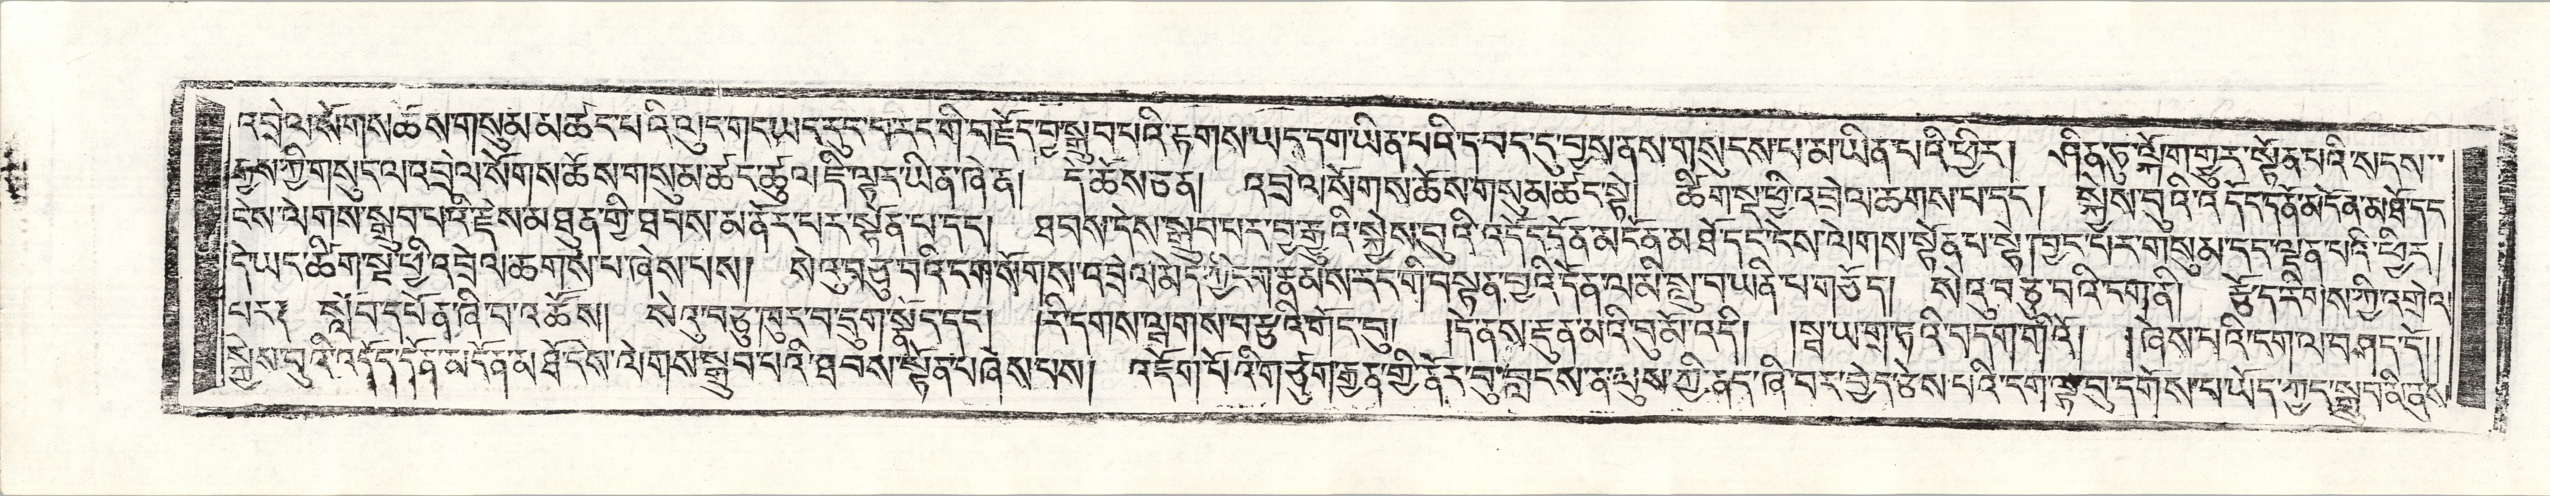འབྲེལ་སོགས་ཆོས་གསུམ་མ་ཚང་བའི་ལུང་གང་ཡང་རུང་བ་རང་གི་བརྗོད་བྱ་སྒྲུབ་པའི་རྟགས་ཡང་དག་ཡིན་པའི་དབང་དུ་བྱས་ནས་གསུངས་པ་མ་ཡིན་པའི་ཕྱིར། ཤིན་ཏུ་ལྐོག་གྱུར་སྟོན་པའི་སངས་
རྒྱས་ཀྱི་གསུང་ལ་འབྲེལ་སོགས་ཆོས་གསུམ་ཚང་ཚུལ་ཇི་ལྟར་ཡིན་ཞེ་ན། དེ་ཆོས་ཅན། འབྲེལ་སོགས་ཆོས་གསུམ་ཚང་སྟེ། ཚིག་སྔ་ཕྱི་འབྲེལ་ཆགས་པ་དང་། སྐྱེས་བུའི་འདོད་དོན་མངོན་མཐོ་དང་
ངེས་ལེགས་སྒྲུབ་པའི་རྗེས་མཐུན་གྱི་ཐབས་མ་ནོར་པར་སྟོན་པ་དང་། ཐབས་དེས་སྒྲུབ་པར་བྱ་རྒྱུའི་སྐྱེས་བུའི་འདོད་དོན་མངོན་མཐོ་དང་ངེས་ལེགས་སྟོན་པ་སྟེ་ཁྱད་པར་གསུམ་དང་ལྡན་པའི་ཕྱིར།
དེ་ཡང་ཚིག་སྔ་ཕྱི་འབྲེལ་ཆགས་པ་ཞེས་པས། སེའུ་བཅུ་བའི་ངག་སོགས་འབྲེལ་མེད་ཀྱི་ངག་རྣམས་རང་གི་བསྟན་བྱའི་དོན་ལ་མི་སླུ་བ་ཡིན་པ་གཅོད། སེའུ་བཅུ་བའི་ངག་ནི། རྩོད་རིགས་ཀྱི་འགྲེལ་
པར། སློབ་དཔོན་ཞི་བ་འཚོས། སེའུ་བཅུ་ཁུར་བ་དྲུག་སྣོད་དང་། །རི་དྭགས་པགས་པ་རྩྭའི་གོང་བུ། །དེ་ནས་རྔུན་མའི་བུ་མོ་འདི། །སྦ་ཡ་གྲ་ཏའི་བདག་གིའོ། །ཞེས་པའི་ངག་ལ་བཤད་དོ། །
སྐྱེས་བུའི་འདོད་དོན་མངོན་མཐོ་ངེས་ལེགས་སྒྲུབ་པའི་ཐབས་སྟོན་པ་ཞེས་པས། འཇོག་པོའི་གཙུག་རྒྱན་གྱི་ནོར་བུ་བླངས་ན་ལུས་ཀྱི་ནད་ཞི་བར་བྱེད་ཅེས་པའི་ངག་ལྟ་བུ་དགོས་པ་ཡོད་ཀྱང་སྒྲུབ་མི་ནུས་